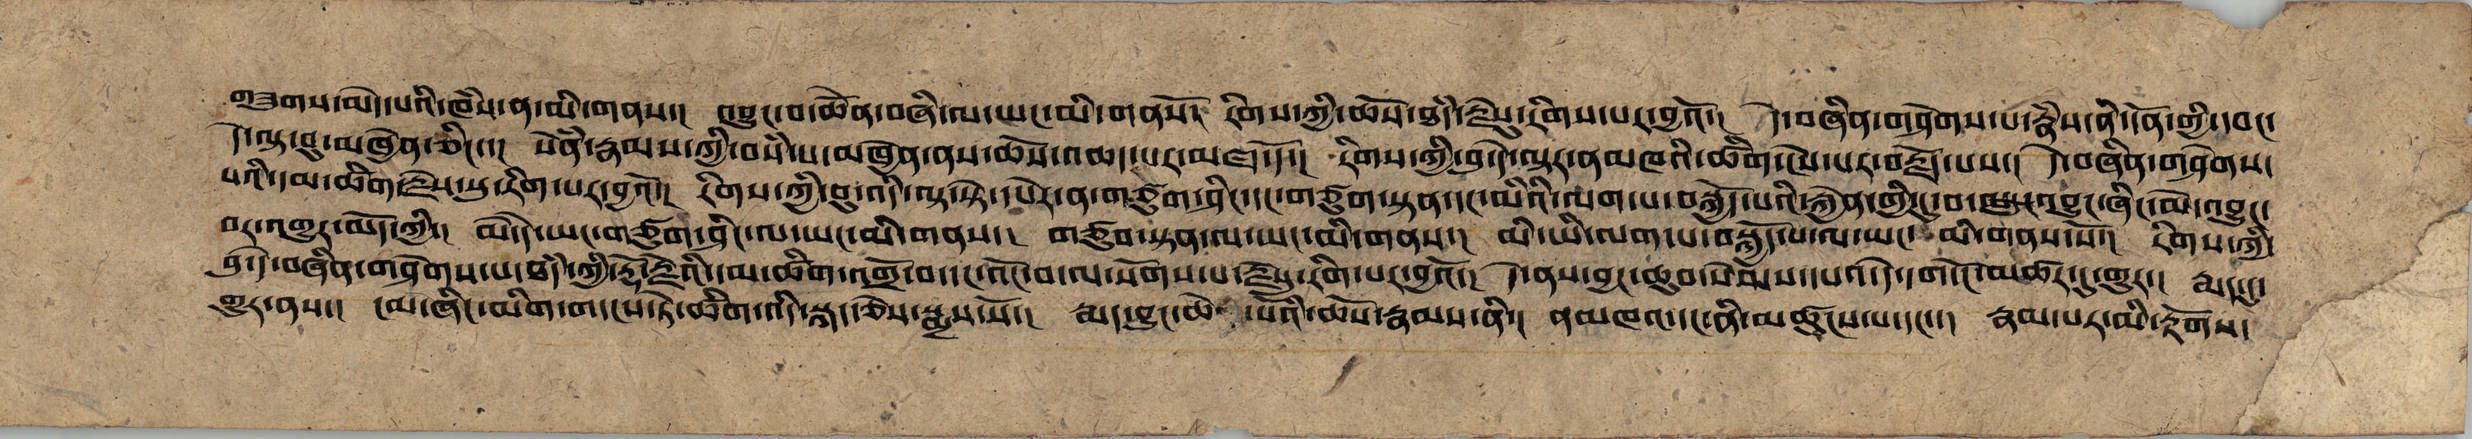གཟུགས་མེད་པའི་ཁཾས་ན་མི་གནས་། འབྱུང་བ་ཆེནོ་བཞི་ལ་ཡང་མིགནསོ་། རིགས་ཀྱི་ཆོས་ཐཾད་རྗེསུ་རིགས་པར་བྱའོ་། དེ་བཞིན་གཤེགས་པ་རྣཾས་ནི་དོན་གྱི་དབང་
དེ་ལྟ་བུ་མཁྱེན་ཅིང་་། སེཾན་རྣམས་ཀྱི་བསཾ་པ་མཁྱེན་ནས་ཆོས་འཆད་པར་མཛད་དོ་། རིགས་ཀྱི་བུ་དེ་ལྟར་ནམཁའི་ཚིག་ངེས་པར་བརྗོད་པས་། དེ་བཞིན་གཤེགས་
པའི་དམ་ཚིག་རྗེས་སུ་རིག་པར་བྱའོ་། རིགས་ཀྱི་བུ་འདི་ལྟ་སྟེ་དཔེར་ན་གཙུག་ཤིང་དང་གཙུག་སྟན་དང་མིའི་ལག་པ་བསྐྱོད་པའི་རྐྱེན་གྱི་དུ་བ་མདུང་འབྱུང་ཞིང་མེ་འབྱུང་
བར་འགྱུར་མོད་ཀྱི་། མེ་དེ་ཡང་གཙུག་ཤིང་ལ་ཡང་མི་གནས་། གཙུབ་སྟན་ལ་ཡང་མི་གནས་། མི་ཡི་ལག་པ་བསྐྱོད་པ་ལ་ཡང་ མི་གནས་སོ་། རིགས་ཀྱི་
བུ་ད་ེབཞིན་གཤེགས་པ་ཐཾད་ཀྱི་རྡོ་རྗེའི་དམ་ཚིག་འགྲོ་བ་དང་འོང་བ་ལ་སོགས་པ་རྗེསུ་རིག་པར་བྱའོ་། དེ་ནས་བྱང་ཆུབ་སེམས་དཔའ་དེ་དག་ངོ་མཚར་དུ་གྱུར་། རྨད་དུ་
གྱུར་ནས་། ངམ་ཞིང་མིག་གདངས་ཏེ་ཚིག་འདི་སྐད་ཅེས་སྨྲས་སོ་། རྨད་བྱུང་ཆེན་པོའི་ཆོས་རྣམས་ནི་། ནམཁའ་དང་ནི་མཚུངས་པ་དང་་། རྣམ་པར་མི་རྟོགས་